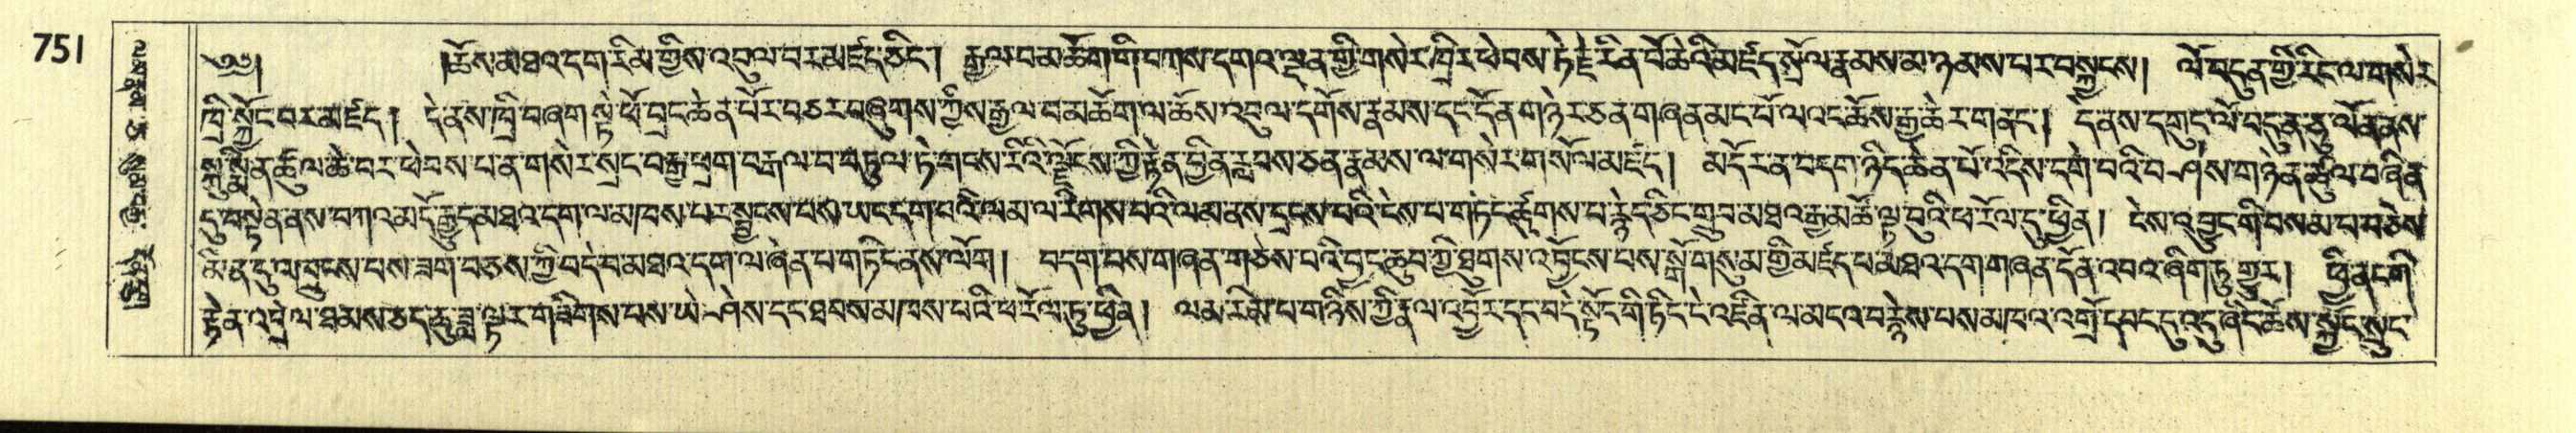༄༅། །ཆོས་མཐའ་དག་རིམ་གྱིས་འབུལ་བར་མཛད་ཅིང་། རྒྱལ་བ་མཆོག་གི་བཀས་དགའ་ལྡན་གྱི་གསེར་ཁྲིར་ཕེབས་ཏེ་རྗེ་རིན་པོ་ཆེའི་མཛད་སྲོལ་རྣམས་མ་ཉམས་པར་བསྐྱངས། ལོ་བདུན་གྱི་རིང་ལ་གསེར་
ཁྲི་སྐྱོང་བར་མཛད། དེ་ནས་ཁྲི་བཞག་སྟེ་ཕོ་བྲང་ཆེན་པོར་བཅར་བཞུགས་ཀྱིས་རྒྱལ་བ་མཆོག་ལ་ཆོས་འབུལ་དགོས་རྣམས་དང་དོན་གཉེར་ཅན་གཞན་མང་པོ་ལའང་ཆོས་རྒྱ་ཆེར་གནང་། དེ་ནས་དགུང་ལོ་བདུན་ཅུ་ལོན་ནས་
སྐུ་སྨིན་ཚུལ་ཆེ་བར་ཕེབས་པ་ན་གསེར་སྲང་བརྒྱ་ཕྲག་བརྒལ་བ་བཏུལ་ཏེ་གངས་རིའི་ལྗོངས་ཀྱི་རྟེན་བྱིན་རླབས་ཅན་རྣམས་ལ་གསེར་གསོལ་མཛད། མདོར་ན་བདག་ཉིད་ཆེན་པོ་འདིས་དགེ་བའི་བཤེས་གཉེན་ཚུལ་བཞིན་
དུ་བསྟེན་ནས་བཀའ་མདོ་རྒྱུད་མཐའ་དག་ལ་མཁས་པར་སྦྱངས་པས་ཡང་དག་པའི་ལམ་ལ་རིགས་པའི་ལམ་ནས་དྲངས་པའི་ངེས་པ་གཏེང་ཚུགས་པ་རྙེད་ཅིང་གྲུབ་མཐའ་རྒྱ་མཚོ་ལྟ་བུའི་ཕ་རོལ་དུ་ཕྱིན། ངེས་འབྱུང་གི་བསམ་པ་བཅེས་
མིན་དུ་འཁྲུངས་པས་ཟག་བཅས་ཀྱི་བདེ་བ་མཐའ་དག་ལ་ཞེན་པ་གཏིང་ནས་ལོག། བདག་པས་གཞན་གཅེས་པའི་བྱང་ཆུབ་ཀྱི་ཐུགས་འབྱོངས་པས་སྒོ་གསུམ་གྱི་མཛད་པ་མཐའ་དག་གཞན་དོན་འབའ་ཞིག་ཏུ་གྱུར། ཕྱི་ནང་གི་
རྟེན་འབྲེལ་ཐམས་ཅད་ཆུ་ཟླ་ལྟར་གཟིགས་པས་ཡེ་ཤེས་དང་ཐབས་མཁས་པའི་ཕ་རོལ་ཏུ་ཕྱིན། ལམ་རིམ་པ་གཉིས་ཀྱི་རྣལ་འབྱོར་དང་བདེ་སྟོང་གི་ཏིང་ངེ་འཛིན་ལ་མངའ་བརྙེས་པས་མཁའ་འགྲོ་དབང་དུ་འདུ་ཞིང་ཆོས་སྐྱོང་སྲུང་